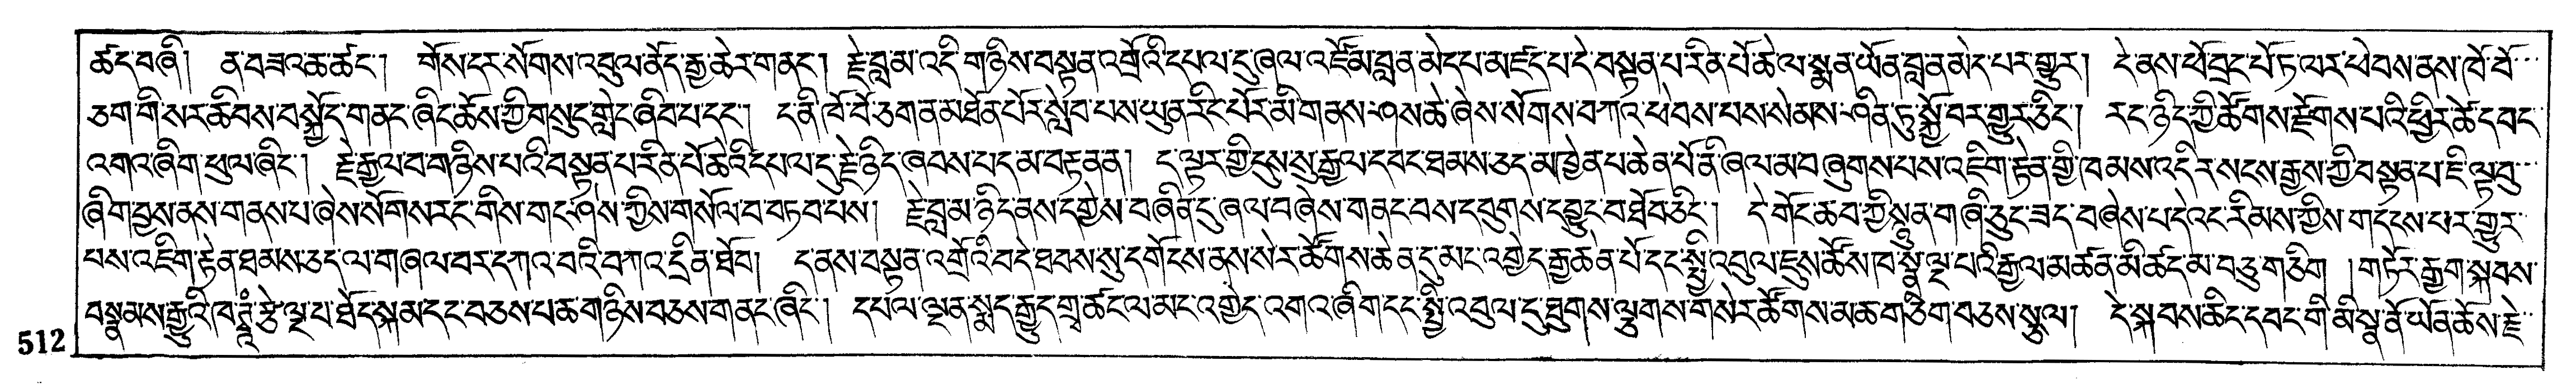ཚད་བཞི། ན་བཟའ་ཆ་ཚང་། གོས་དར་སོགས་འབུལ་ནོད་རྒྱ་ཆེར་གནང་། རྗེ་བླ་མ་འདི་གཉིས་བསྟན་འགྲོའི་དཔལ་དུ་ཞལ་འཛོམ་བླ་ན་མེད་པ་མཛད་པ་དེ་བསྟན་པ་རིན་པོ་ཆེ་ལ་སྨན་ཡོན་བླ་ན་མེད་པར་གྱུར། དེ་ནས་ཕོ་བྲང་པོ་ཏ་ལར་ཕེབས་ནས་ཁོ་བོ་
ཅག་གི་སར་ཆིབས་བསྐྱོད་གནང་ཞིང་ཆོས་ཀྱི་གསུང་གླེང་ཞིབ་པ་དང་། དན་ཁོ་བོ་ཅག་ན་མཐོན་པོར་སླེབ་པས་ཡུན་རིང་པོར་མི་གནས་ཤས་ཆེ་ཞེས་སོགས་བཀའ་ཕེབས་པས་སེམས་ཤིན་ཏུ་སྐྱོ་བར་གྱུར་ཅིང་། རང་ཉིད་ཀྱི་ཚོགས་རྫོགས་པའི་ཕྱིར་ཚེ་དབང་
འགའ་ཞིག་ཕུལ་ཞིང་། རྗེ་རྒྱལ་བ་གཉིས་པའི་བསྟན་པ་རིན་པོ་ཆེའི་དཔལ་དུ་རྗེ་ཉིད་ཞབས་པད་མ་བརྟན་ན། ད་ལྟར་གྱི་དུས་སུ་རྒྱལ་དབང་ཐམས་ཅད་མཁྱེན་པ་ཆེན་པོ་ནི་ཞལ་མ་བཞུགས་པས་འཇིག་རྟེན་གྱི་ཁམས་འདི་ན་སངས་རྒྱས་ཀྱི་བསྟན་པ་ཇི་ལྟ་བུ་
ཞིག་བྱས་ནས་གནས་པ་ཞེས་སོགས་རང་གིས་གང་ཤེས་ཀྱིས་གསོལ་བ་བཏབ་བས། རྗེ་བླ་མ་ཉིད་ནས་དགྱེས་བཞིན་དུ་ཞལ་བཞེས་གནང་བས་དབུགས་དབྱུང་བ་ཐོབ་ཅིང་། དེ་གོང་ཆབ་ཀྱི་སྙུན་གཞི་ཅུང་ཟད་བཞེས་པ་དེའང་རིམས་ཀྱིས་གདངས་པར་གྱུར་
པས་འཇིག་རྟེན་ཐེམས་ཅད་ལ་གཞལ་བར་དཀའ་བའི་བཀའ་དྲིན་ཐོབ། དེ་ནས་བསྟན་འགྲོའི་བདེ་ཐབས་སུ་དགོངས་ནས་སེར་ཚོགས་ཆེན་དུ་མང་འགྱེད་རྒྱ་ཆེན་པོ་དང་སྤྱི་འབུལ་ཇུས་ཚོས་ཁ་སྣ་ལྔ་པའི་རྒྱལ་མཚན་མི་ཚད་མ་བཅུ་གཅིག །གཏོར་རྒྱག་སྐབས་
བསྣམས་རྒྱུའི་ཁ་ཊྭཱཾ་རྩེ་ལྔ་པ་ཐོད་སྐམ་དང་བཅས་པ་ཆ་གཉིས་བཅས་གནང་ཞིང་། དཔལ་ལྡན་སྨད་རྒྱུད་གྲྭ་ཚང་ལ་མང་འགྱེད་འགའ་ཞིག་དང་སྤྱི་འབུལ་དུ་ཐུགས་ལྕགས་གསེར་ཚགས་མ་ཆ་གཅིག་བཅས་སྩལ། དེ་སྐབས་ཆིང་དབང་གི་མི་སྣ་ནོ་ཡོན་ཆོས་རྗེ་